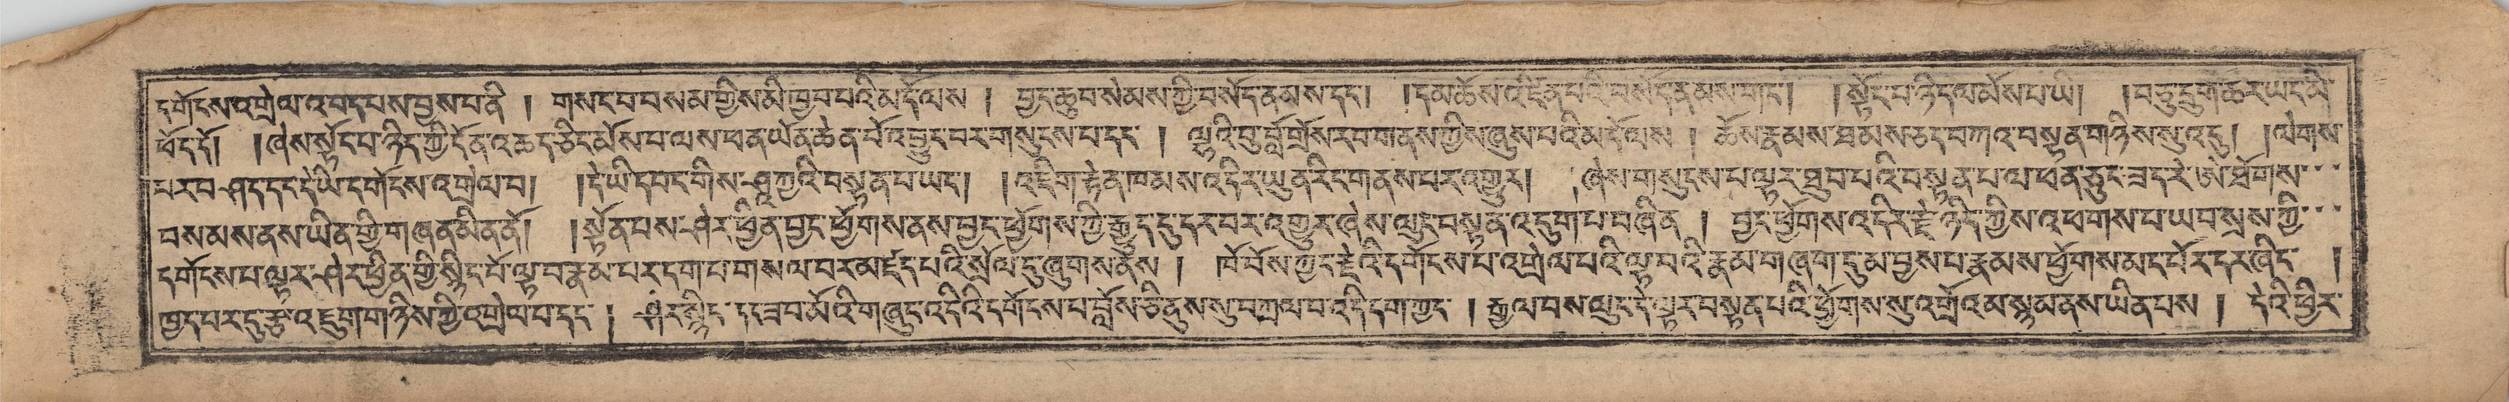དགོངས་འགྲེལ་འབད་པས་བྱས་པ་ནི། གསང་བ་བསམ་གྱིས་མི་ཁྱབ་པའི་མདོ་ལས། བྱང་ཆུབ་སེམས་ཀྱི་བསོད་ནམས་དང་། །དམ་ཆོས་འཛིན་པའི་བསོད་ནམས་གང་། །སྟོང་པ་ཉིད་ལ་མོས་པ་ཡི། །བཅུ་དྲུག་ཆར་ཡང་མི་
ཕོད་དོ། །ཞེས་སྟོང་པ་ཉིད་ཀྱི་དོན་འཆད་ཅིང་མོས་པ་ལས་ཕན་ཡོན་ཆེན་པོ་འབྱུང་བར་གསུངས་པ་དང་། ལྷའི་བུ་བློ་གྲོས་རབ་གནས་ཀྱིས་ཞུས་པའི་མདོ་ལས། ཆོས་རྣམས་ཐམས་ཅད་བཀའ་བསྟན་གཉིས་སུ་འདུ། །ལེགས་
པར་བཤད་དང་དེ་ཡི་དགོངས་འགྲེལ་པ། །དེ་ཡི་དབང་གིས་ཤཱ་ཀྱའི་བསྟན་པ་ཡང་། །འཇིག་རྟེན་ཁམས་འདིར་ཡུན་རིང་གནས་པར་འགྱུར། །ཞེས་གསུངས་པ་ལྟར་ཐུབ་པའི་བསྟན་པ་ལ་ཕན་ཅུང་ཟད་རེ་ཨེ་ཐོགས་
བསམས་ནས་ཡིན་གྱི་གཞན་མིན་ནོ། །སྟོན་པས་ཤེར་ཕྱིན་བྱང་ཕྱོགས་ནས་བྱང་ཕྱོགས་ཀྱི་རྒྱུད་དུ་དར་བར་འགྱུར་ཞེས་ལུང་བསྟན་འདུག་པ་བཞིན། བྱང་ཕྱོགས་འདིར་རྗེ་ཉིད་ཀྱིས་འཕགས་པ་ཡབ་སྲས་ཀྱི་
དགོངས་པ་ལྟར་ཤེར་ཕྱིན་གྱི་སྙིང་པོ་ལྟ་བ་རྣམ་པར་དག་པ་གསལ་བར་མཛད་པའི་སྲོལ་དུ་ཞུགས་ནས། ཁོ་བོས་ཀྱང་རྗེའི་དགོངས་པ་འགྲེལ་བའི་ལྟ་བའི་རྣམ་གཞག་དུ་མ་བྱས་པ་རྣམས་ཕྱོགས་མང་པོར་དར་ཞིང་།
ཁྱད་པར་དུ་རྩ་འཇུག་གཉིས་ཀྱི་འགྲེལ་པ་དང་། ཤེར་སྙིང་དང་ཟབ་མོའི་གཞུང་འདིའི་དགོངས་པ་བློས་ཅི་ནུས་སུ་བཀྲལ་བ་འདི་དག་ཀྱང་། རྒྱལ་བས་ལུང་དེ་ལྟར་བསྟན་པའི་ཕྱོགས་སུ་འགྲོའམ་སྙམ་ནས་ཡིན་པས། དེའི་ཕྱིར་